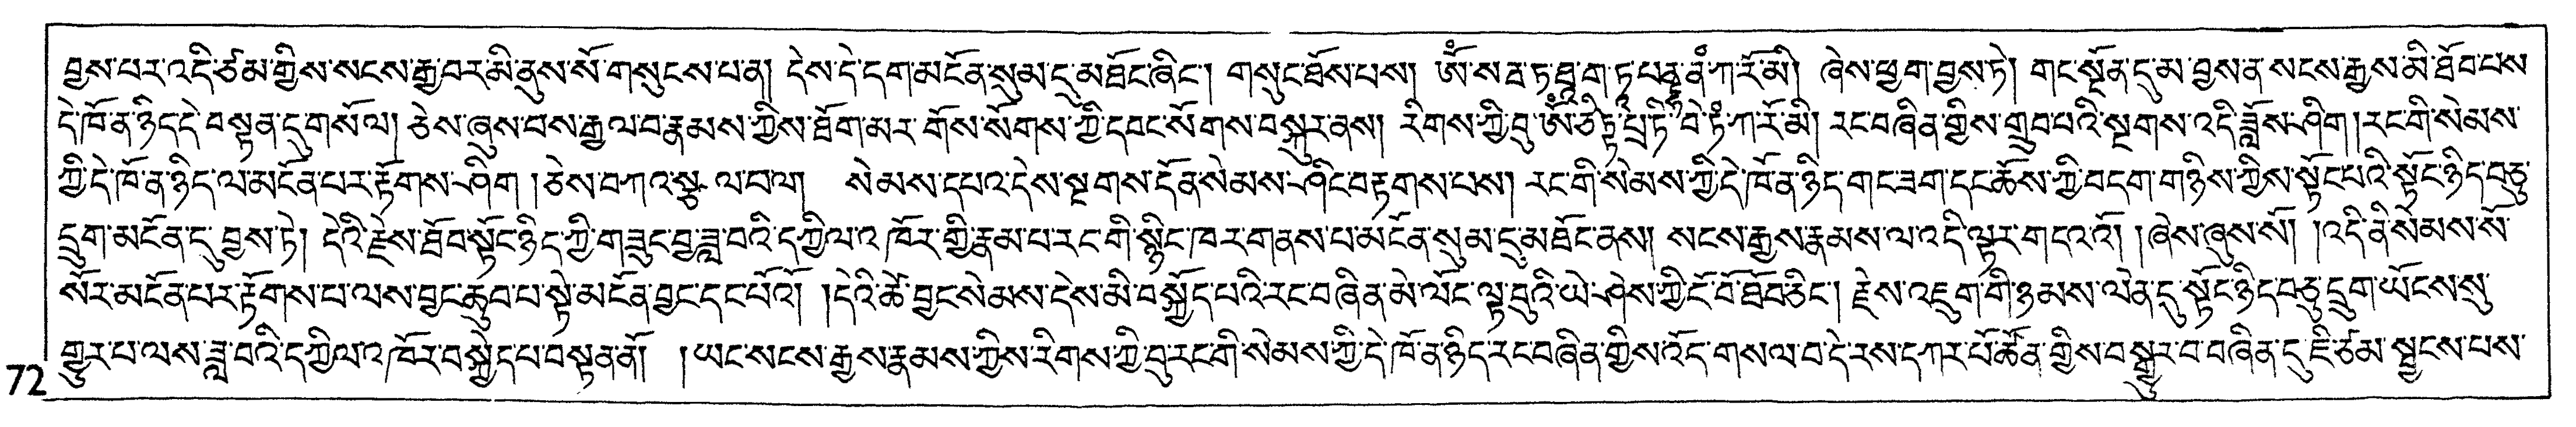བྱས་པར་འདི་ཙམ་གྱིས་སངས་རྒྱ་བར་མི་ནུས་སོ་གསུངས་པ་ན། དེས་དེ་དག་མངོན་སུམ་དུ་མཐོང་ཞིང་། གསུང་ཐོས་པས། ཨོཾ་སརྦ་ཏ་ཐཱ་ག་ཏཱ་པནྡྷ་ནཾ་ཀ་རོ་མི། ཞེས་ཕྱག་བྱས་ཏེ། གང་སྔོན་དུ་མ་བྱས་ན་སངས་རྒྱས་མི་ཐོབ་པས་
དེ་ཁོ་ན་ཉིད་དེ་བསྟན་དུ་གསོལ། ཅེས་ཞུས་པས་རྒྱལ་བ་རྣམས་ཀྱིས་ཐོག་མར་གོས་སོགས་ཀྱི་དབང་སོགས་བསྐུར་ནས། རིགས་ཀྱི་བུ་ཨོཾ་ཙིཏྟ་པྲ་ཏི་བེ་ཏཾ་ཀ་རོ་མི། རང་བཞིན་གྱིས་གྲུབ་པའི་སྔགས་འདི་ཟློས་ཤིག །རང་གི་སེམས་
ཀྱི་དེ་ཁོ་ན་ཉིད་ལ་མངོན་པར་རྟོགས་ཤིག །ཅེས་བཀའ་སྩལ་བ་ལ། སེམས་དཔའ་དེས་སྔགས་དོན་སེམས་ཤིང་བརྟགས་པས། རང་གི་སེམས་ཀྱི་དེ་ཁོ་ན་ཉིད་གང་ཟག་དང་ཆོས་ཀྱི་བདག་གཉིས་ཀྱིས་སྟོང་པའི་སྟོང་ཉིད་བཅུ་
དྲུག་མངོན་དུ་བྱས་ཏེ། དེའི་རྗེས་ཐོབ་སྟོང་ཉིད་ཀྱི་གཟུང་བྱ་ཟླ་བའི་དཀྱིལ་འཁོར་གྱི་རྣམ་པ་རང་གི་སྙིང་ཁར་གནས་པ་མངོན་སུམ་དུ་མཐོང་ནས། སངས་རྒྱས་རྣམས་ལ་འདི་ལྟར་གདའ་འོ། །ཞེས་ཞུས་སོ། །འདི་ནི་སེམས་སོ་
སོར་མངོན་པར་རྟོགས་པ་ལས་བྱང་ཆུབ་པ་སྟེ་མངོན་བྱང་དང་པོའོ། །དེའི་ཚེ་བྱང་སེམས་དེས་མི་བསྐྱོད་པའི་རང་བཞིན་མེ་ལོང་ལྟ་བུའི་ཡེ་ཤེས་ཀྱི་ངོ་བོ་ཐོབ་ཅིང་། རྗེས་འཇུག་གི་ཉམས་ལེན་དུ་སྟོང་ཉིད་བཅུ་དྲུག་ཡོངས་སུ་
གྱུར་པ་ལས་ཟླ་བའི་དཀྱིལ་འཁོར་བསྐྱེད་པ་བསྟན་ནོ། །ཡང་སངས་རྒྱས་རྣམས་ཀྱིས་རིགས་ཀྱི་བུ་རང་གི་སེམས་ཀྱི་དེ་ཁོ་ན་ཉིད་རང་བཞིན་གྱིས་འོད་གསལ་བ་དེ་རས་དཀར་པོ་ཚོན་གྱིས་བསྒྱུར་བ་བཞིན་དུ་ཇི་ཙམ་སྦྱངས་པས་